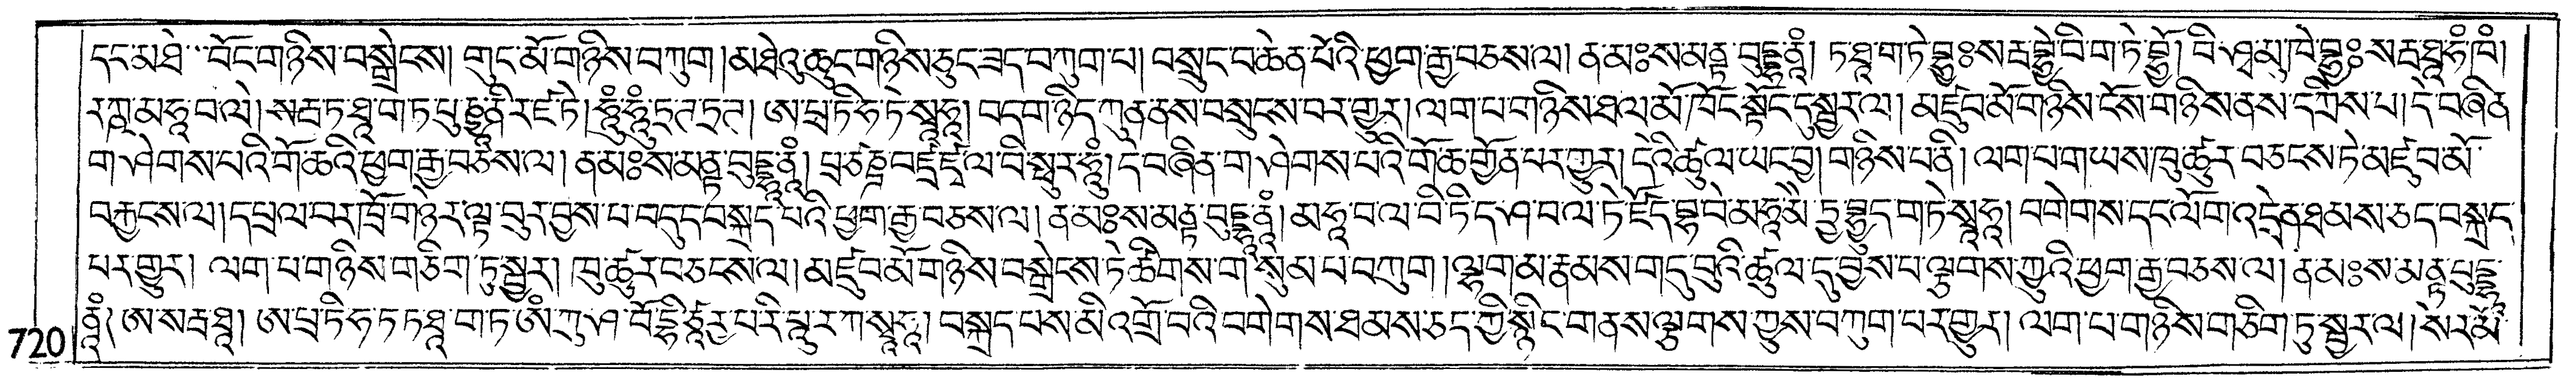དང་མཐེ་བོང་གཉིས་བསྒྲེངས། གུང་མོ་གཉིས་བཀུག །མཐེའུ་ཆུང་གཉིས་ཅུང་ཟད་བཀུག་པ། བསྲུང་བ་ཆེན་པོའི་ཕྱག་རྒྱ་བཅས་ལ། ན་མཿ ས་མནྟ་བུདྡྷ་ནཱཾ། ཏ་ཐཱ་ག་ཏེ་བྷྱཿ སརྦ་བྷྱེ་བི་ག་ཏེ་བྷྱོ། བི་ཤྭ་མུ་ཁེ་བྷྱཿ སརྦ་ཐཱ་ཧཾ་ཁཾ།
རཀྵ་མཧཱ་བ་ལེ། སརྦ་ཏ་ཐཱ་ག་ཏ་པུ་ཎྱཱ་ནི་ར་ཛ་ཏེ། ཧཱུཾ་ཧཱུཾ་ཏྲ་ཊ་ཏྲ་ཊ། ཨ་པྲ་ཏི་ཧ་ཏེ་སྭཱཧཱ། བདག་ཉིད་ཀུན་ནས་བསྲུངས་བར་གྱུར། ལག་པ་གཉིས་ཐལ་མོ་ཁོང་སྟོང་དུ་སྦྱར་ལ། མཛུབ་མོ་གཉིས་ངོས་གཉིས་ནས་དཀྲིས་པ། དེ་བཞིན་
གཤེགས་པའི་གོ་ཆའི་ཕྱག་རྒྱ་བཅས་ལ། ན་མཿ ས་མནྟ་བུདྡྷཱ་ནཱཾ། པྲ་ཙཎྜ་བཛྲ་ཛྭ་ལ་བི་སྥུ་ར་ཧཱུཾ། དེ་བཞིན་གཤེགས་པའི་གོ་ཆ་གྱོན་པར་གྱུར། དེའི་ཚུལ་ཡང་བྱ། གཉིས་པ་ནི། ལག་པ་གཡས་ཁུ་ཚུར་བཅངས་ཏེ་མཛུབ་མོ་
བརྐྱངས་ལ། དཔྲལ་བར་ཁྲོ་གཉེར་ལྟ་བུར་བྱས་པ་བདུད་བསྐྲད་པའི་ཕྱག་རྒྱ་བཅས་ལ། ན་མཿ ས་མནྟ་བུདྡྷཱ་ནཱཾ། མཧཱ་བ་ལ་བི་ཏི་ད་ཤ་བ་ལ་ཏེ་ཛོད་བྷ་བེ་མཧཱ་མཻ་ཏྲྱ་བྷྱུད་ག་ཏེ་སྭཱཧཱ། བགེགས་དང་ལོག་འདྲེན་ཐམས་ཅད་བསྐྲད་
པར་གྱུར། ལག་པ་གཉིས་གཅིག་ཏུ་སྦྱར། ཁུ་ཚུར་བཅངས་ལ། མཛུབ་མོ་གཉིས་བསྒྲེངས་ཏེ་ཚིགས་གསུམ་པ་བཀུག །ལྷག་མ་རྣམས་གདུ་བུའི་ཚུལ་དུ་བྱས་པ་ལྕགས་ཀྱུའི་ཕྱག་རྒྱ་བཅས་ལ། ན་མཿ ས་མནྟ་བུདྡྷཱ་
ནཱཾ། ཨ་སརྦ་ཐཱ། ཨ་པྲ་ཏི་ཧ་ཏ་ཏ་ཐཱ་ག་ཏ་ཨཾ་ཀུ་ཤ་བོ་དྷི་ཙཱརྱ་པ་རི་པཱུ་ར་ཀ་སྭཱཧཱ། བསྐྲད་པས་མི་འགྲོ་བའི་བགེགས་ཐམས་ཅད་ཀྱི་སྙིང་གནས་ལྕགས་ཀྱུས་བཀུག་པར་གྱུར། ལག་པ་གཉིས་གཅིག་ཏུ་སྦྱར་ལ། སེར་མོ་